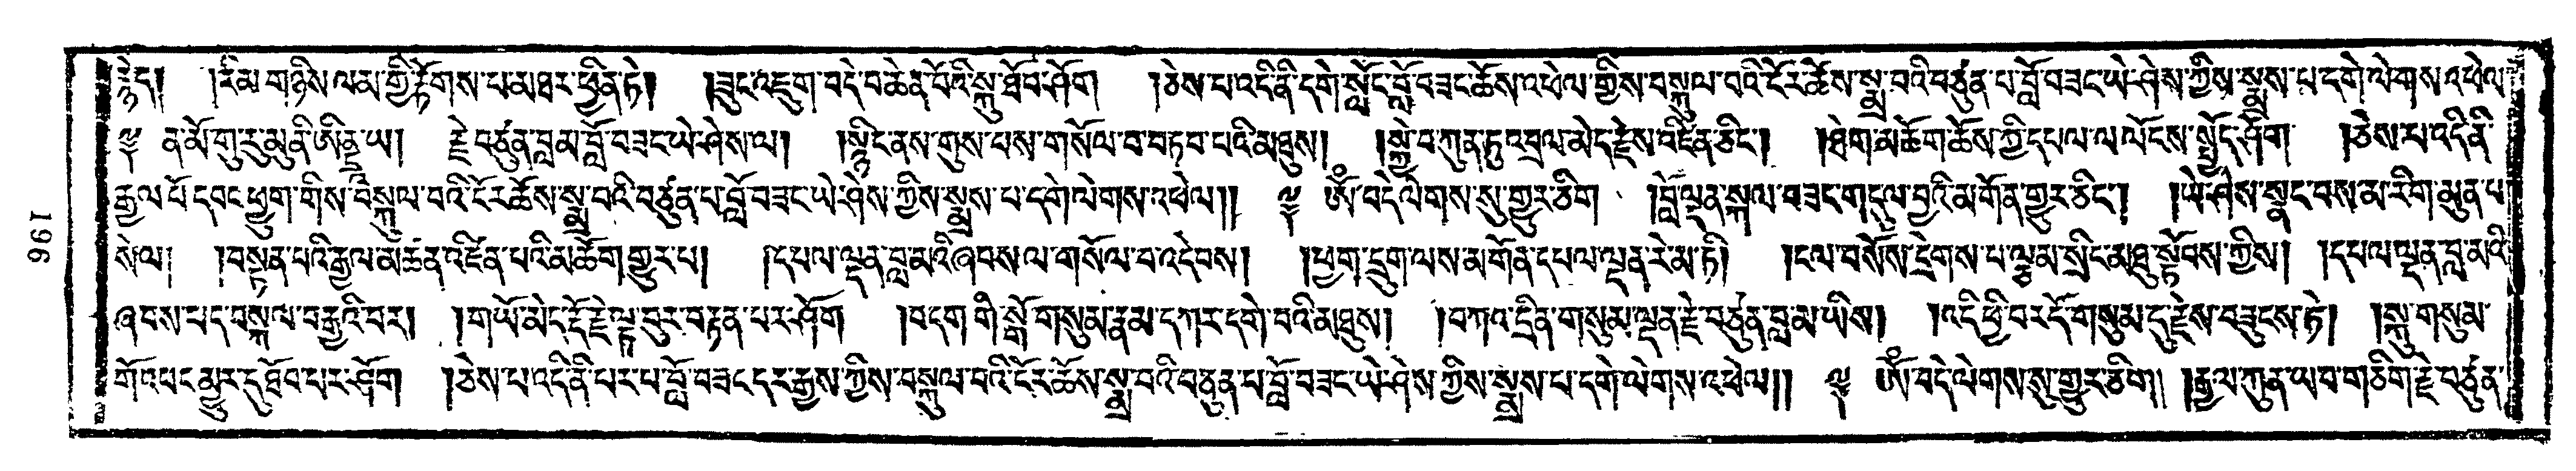རྙེད། །རིམ་གཉིས་ལམ་གྱི་རྟོགས་པ་མཐར་ཕྱིན་ཏེ། །ཟུང་འཇུག་བདེ་བ་ཆེན་པོའི་སྐུ་ཐོབ་ཤོག །ཅེས་པ་འདི་ནི་དགེ་སློང་བློ་བཟང་ཆོས་འཕེལ་གྱིས་བསྐུལ་བའི་ངོར་ཆོས་སྨྲ་བའི་བཙུན་པ་བློ་བཟང་ཡེ་ཤེས་ཀྱིས་སྨྲས་པ་དགེ་ལེགས་འཕེལ་
༈ ན་མོ་གུ་རུ་མུ་ནི་ཨིནྡྲཱ་ཡ། རྗེ་བཙུན་བླ་མ་བློ་བཟང་ཡེ་ཤེས་ལ། །སྙིང་ནས་གུས་པས་གསོལ་བ་བཏབ་པའི་མཐུས། །སྐྱེ་བ་ཀུན་ཏུ་འབྲལ་མེད་རྗེས་འཛིན་ཅིང་། །ཐེག་མཆོག་ཆོས་ཀྱི་དཔལ་ལ་ལོངས་སྤྱོད་ཤོག །ཅེས་པ་འདི་ནི་
རྒྱལ་པོ་དབང་ཕྱུག་གིས་བསྐུལ་བའི་ངོར་ཆོས་སྨྲ་བའི་བཙུན་པ་བློ་བཟང་ཡེ་ཤེས་ཀྱིས་སྨྲས་པ་དགེ་ལེགས་འཕེལ།། ༈ ཨོཾ་བདེ་ལེགས་སུ་གྱུར་ཅིག །བློ་ལྡན་སྐལ་བཟང་གདུལ་བྱའི་མགོན་གྱུར་ཅིང་། །ཡེ་ཤེས་སྣང་བས་མ་རིག་མུན་པ་
སེལ། །བསྟན་པའི་རྒྱལ་མཚན་འཛིན་པའི་མཆོག་གྱུར་པ། །དཔལ་ལྡན་བླ་མའི་ཞབས་ལ་གསོལ་བ་འདེབས། །ཕྱག་དྲུག་ལས་མགོན་དཔལ་ལྡན་རེ་མ་ཏི། །ངལ་བསོས་དྲེགས་པ་ལྕམ་སྲིང་མཐུ་སྟོབས་ཀྱིས། །དཔལ་ལྡན་བླ་མའི་
ཞབས་པད་བསྐལ་བརྒྱའི་བར། །གཡོ་མེད་རྡོ་རྗེ་ལྟ་བུར་བརྟན་པར་ཤོག །བདག་གི་སྒོ་གསུམ་རྣམ་དཀར་དགེ་བའི་མཐུས། །བཀའ་དྲིན་གསུམ་ལྡན་རྗེ་བརྩུན་བླ་མ་ཡིས། །འདི་ཕྱི་བར་དོ་གསུམ་དུ་རྗེས་བཟུངས་ཏེ། །སྐུ་གསུམ་
གོ་འཕང་མྱུར་དུ་ཐོབ་པར་ཤོག །ཅེས་པ་འདི་ནི་པར་པ་བློ་བཟང་དར་རྒྱས་ཀྱིས་བསྐུལ་བའི་ངོར་ཆོས་སྨྲ་བའི་བཅུན་པ་བློ་བཟང་ཡེ་ཤེས་ཀྱིས་སྨྲས་པ་དགེ་ལེགས་འཕེལ།། ༈ ཨོཾ་བདེ་ལེགས་སུ་གྱུར་ཅིག། །རྒྱལ་ཀུན་ཡབ་གཅིག་རྗེ་བཙུན་